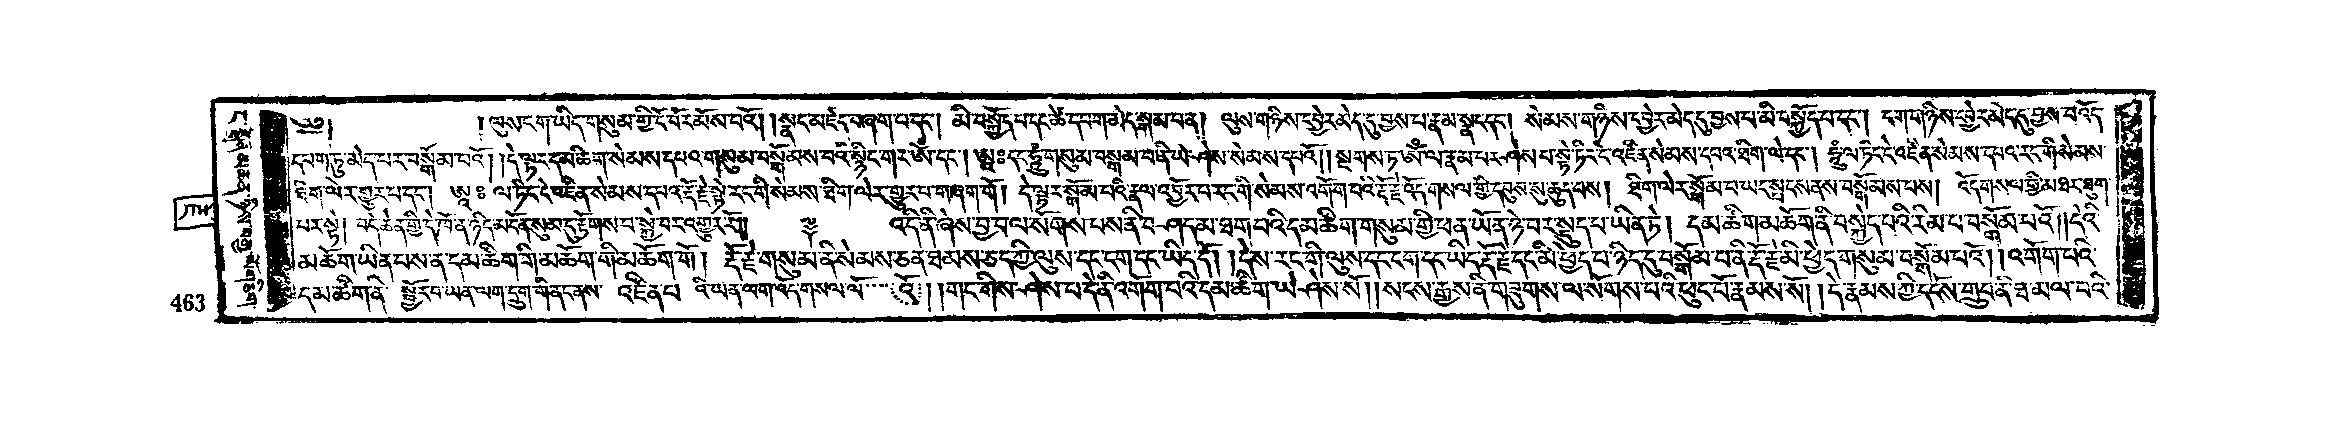༄༅། །ལུས་ངག་ཡིད་གསུམ་གྱི་ངོ་བོར་མོས་པའོ། །སྣང་མཛད་བཞག་པ་དང་། མི་བསྐྱོད་པ་དང་ཚེ་དཔག་མེད་སྒམ་པ་ན། ལུས་གཉིས་དབྱེར་མེད་དུ་བྱས་པ་རྣམ་སྣང་དང་། སེམས་གཉིས་དབྱེར་མེད་དུ་བྱས་པ་མི་བསྐྱོད་པ་དང་། ངག་གཉིས་དབྱེར་མེད་དུ་བྱས་པ་འོད་
དཔག་ཏུ་མེད་པར་བསྒམ་པའོ། །དེ་ལྟར་དམ་ཚིག་སེམས་དཔའ་གསུམ་བསྒོམས་པའི་སྙིང་གར་ཨོཾ་དང་། ཨཱཿ དང་ཧཱུཾ་གསུམ་བསྒམ་པ་ནི་ཡེ་ཤེས་སེམས་དཔའོ། །སྔགས་ཏ་ཨོཾ་ལ་རྣམ་པར་ཤེས་པ་སྟེ་ཏིང་ངེ་འཛིན་སེམས་དཔའ་ཐིག་ལེ་དང་། ཧཱུཾ་ལ་ཏིང་ངེ་འཛིན་སེམས་དཔའ་རང་གི་སེམས་
ཐིག་ལེར་གྱུར་པ་དང་། ཨཱཿ ལ་ཏིང་ངེ་འཛིན་སེམས་དཔའ་རྡོ་རྗེ་སྟེ་རང་གི་སེམས་ཐིག་ལེར་གྱུར་པ་གཞག་གོ །དེ་ལྟར་སྒོམ་པའི་རྣལ་འབྱོར་པ་རང་གི་སེམས་འགོག་པའི་རྡོ་རྗེ་འོད་གསལ་གྱི་དབུས་སུ་ཆུད་པས། ཐིག་ལེར་སྒོམ་པ་ཡང་སྤངས་ནས་བསྒོམས་པས། འོད་གསལ་གྱི་མཐར་ཐུག་
པར་སྟེ། བདེ་ཆེན་གྱི་དེ་ཁོ་ན་ཉིད་མངོན་སུམ་དུ་རྟོགས་པ་སྐྱེ་བར་འགྱུར་རོ།། ༈ འདི་ནི་ཞེས་བྱ་བ་ལ་སོགས་པས་ནི་བཤད་མ་ཐག་པའི་དམ་ཚིག་གསུམ་གྱི་ཕན་ཡོན་ཉེ་བར་སྡུད་པ་ཡིན་ཏེ། དམ་ཚིག་མཆོག་ནི་བསྐྱེད་པའི་རིམ་པ་བསྒོམ་པའོ། །དེའི་
མཆོག་ཡིན་པས་ན་དམ་ཚིག་གི་མཆོག་གི་མཆོག་གོ །རྡོ་རྗེ་གསུམ་ནི་སེམས་ཅན་ཐམས་ཅད་ཀྱི་ལུས་དང་ངག་དང་ཡིད་དོ། །དེས་རང་གི་ལུས་དང་ངག་དང་ཡིད་རྡོ་རྗེ་དང་མི་ཕྱེད་པ་ཉིད་དུ་བསྒོམ་པ་ནི་རྡོ་རྗེ་མི་ཕྱེད་གསུམ་བསྒོམ་པའོ། །འགོག་པའི་
དམ་ཚིག་ནི་སྦྱོར་བ་ཡན་ལག་དྲུག་གི་ནང་ནས་འཛིན་པའི་ཡན་ལག་འོད་གསལ་ལོ་འོ། །གང་གིས་ཤེས་པ་དེ་ནི་འགོག་པའི་དམ་ཚིག་ཡེ་ཤེས་སོ། །སངས་རྒྱས་ནི་གཟུགས་ལ་སོགས་པའི་ཕུང་པོ་རྣམས་སོ། །དེ་རྣམས་ཀྱི་དངོས་གྲུབ་ནི་ཐ་མལ་བའི་